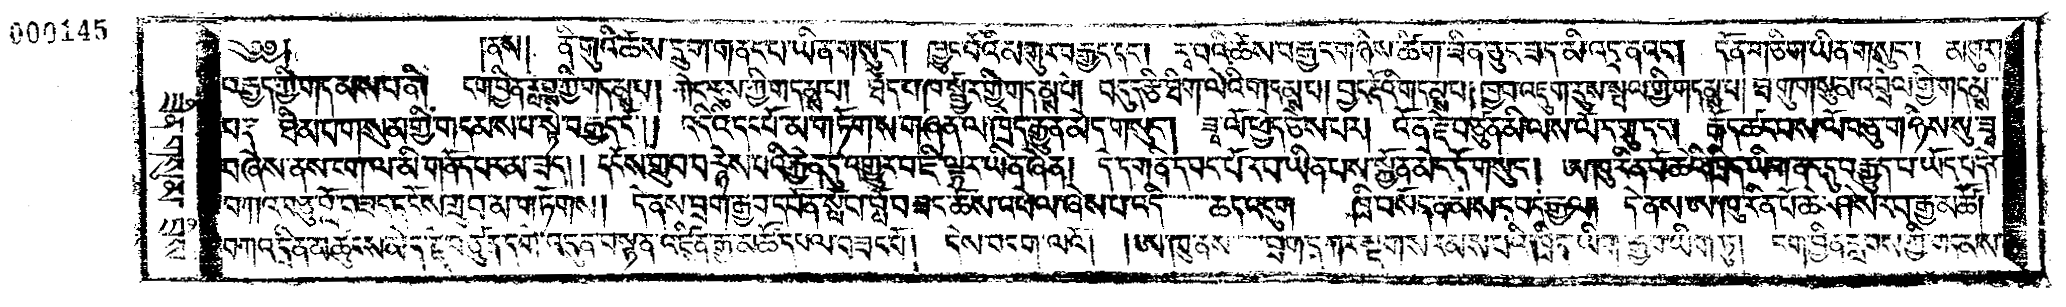༄༅། །ནས། ནི་གུའི་ཆོས་དྲུག་གནང་པ་ཡིན་གསུང་། ཁྱུང་པོའི་མགུར་བརྒྱད་དང་། རྭ་བའི་ཆོས་བརྒྱང་གཉིས་ཚིག་ཟིན་ཅུང་ཟད་མི་འདྲ་ནའང་། དོན་གཅིག་ཡིན་གསུང་། མགུར་
བརྒྱད་ཀྱི་གདམས་པ་ནི། ངག་བྱིན་རླབས་ཀྱི་གདམས་པ། ཀེང་རུས་ཀྱི་གདམས་པ། ཐོད་པ་ཁ་སྦྱོར་གྱི་གདམས་པེ། བདུད་རྩི་ཐིག་ལེའི་གདམས་པ། བྱང་རྡོའི་གདམས་པ། ཁྱབ་འཇུག་རུས་སྤལ་གྱི་གདམས་པ། ཐ་གུ་གསུམ་འབྲེལ་གྱི་གདམས་
པ༑ ཐིམ་པ་གསུམ་གྱི་གདམས་པ་སྟེ་བརྒྱད་དོ། །འདིའི་དང་པོ་མ་གཏོགས་གཞན་ལ་ཁྲིད་རྒྱུན་མེད་གསུང་། ཟྭ་ལོ་ཕྱེད་ཅེས་པར། འོ་ན་རྗེ་བཙུན་མི་ལས་ལོ་དགུ་དང་། རྒོད་ཚང་བས་ལོ་བཅུ་གཉིས་སུ་ཟའ་
བཞེས་ནས་ངག་ལ་མི་གནོད་པར་མ་ཟད། །དངོས་གྲུབ་བརྙེས་པའི་རྐྱེན་དུ་འགྱུར་བ་ཇི་ལྟར་ཡིན་ཞེ་ན། དེ་དག་ནི་དབང་པོ་རབ་ཡིན་པས་སྐྱོན་མེད་དོ་གསུང་། ཨ་ཁུ་རིན་པོ་ཆེའི་ཁྲིད་ཡིག་ནང་དུ་བརྒྱུད་པ་ཡོད་པ་དེར་
བཀའ་བཅུ་བློ་བཟང་དངོས་གྲུབ་མ་གཏོགས། དེ་ནས་བྲག་རྒྱབ་དཔོན་སློབ་བློ་བཟང་ཆོས་འཕེལ་ཞེས་པ་འདི་ཆད་འདུག་ཁྲི་བསོད་ནམས་དབང་རྒྱལ། དེ་ནས་ཨ་ཁུ་རིན་པོ་ཆེ་ཤེས་རབ་རྒྱ་མཚོ།
བཀའ་དྲིན་མཚུངས་མེད་རྗེ་བཙུན་དགེ་འདུན་བསྟན་འཛིན་རྒྱ་མཚོ་དཔལ་བཟང་པོ། དེས་བདག་ལའོ། །ཨ་ཁུ་ནས་བྲག་དཀར་སྔགས་རམས་པའི་ཁྲིད་ཡིག་རྒྱབ་ཡིག་ཏུ། ངག་བྱིན་རླབས་ཀྱི་གདམས་